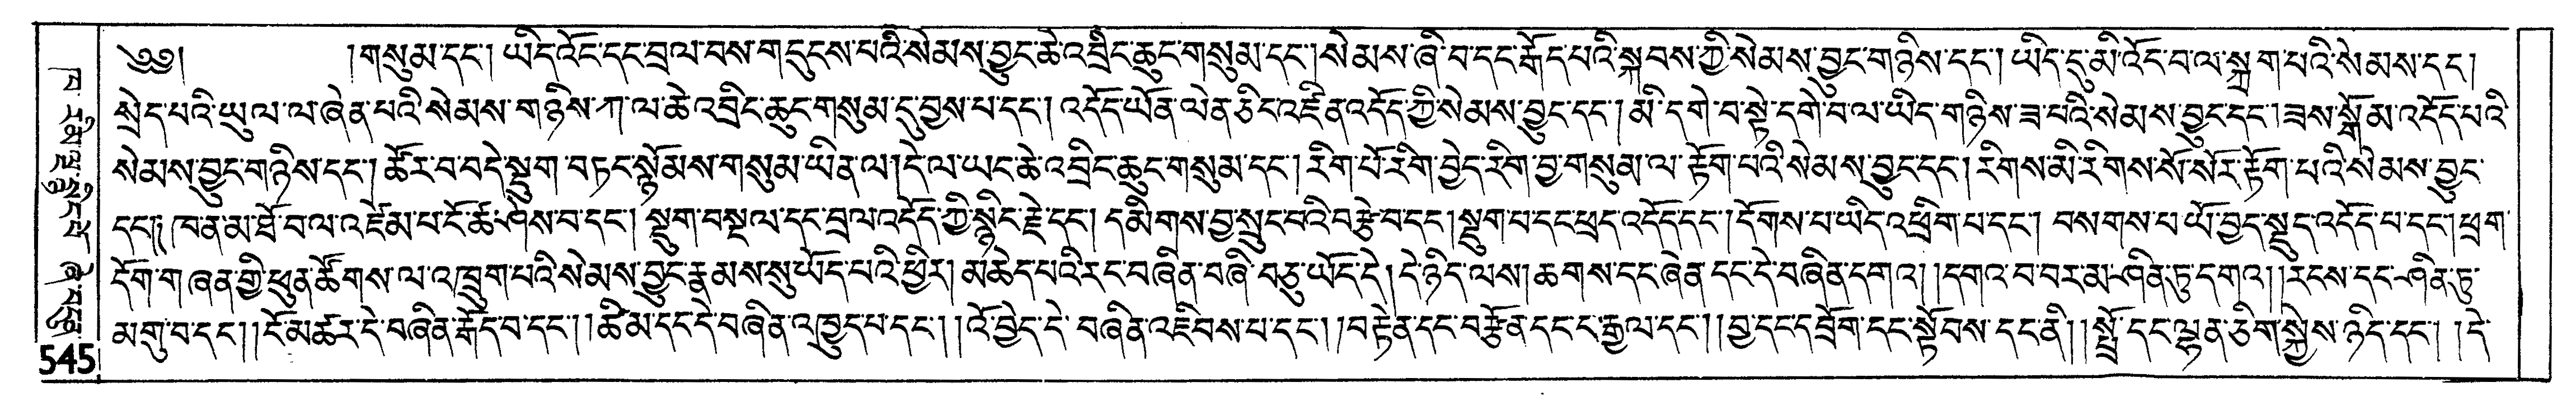༄༅། །གསུམ་དང་། ཡིད་འོང་དང་བྲལ་བས་གདུངས་པའི་སེམས་བྱུང་ཆེ་འབྲིང་ཆུང་གསུམ་དང་། སེམས་ཞི་བ་དང་རྒོད་པའི་སྐབས་ཀྱི་སེམས་བྱུང་གཉིས་དང་། ཡིད་དུ་མི་འོང་བ་ལ་སྐྲག་པའི་སེམས་དང་།
སྲེད་པའི་ཡུལ་ལ་ཞེན་པའི་སེམས་གཉིས་ཀ་ལ་ཆེ་འབྲིང་ཆུང་གསུམ་དུ་བྱས་པ་དང་། འདོད་ཡོན་ལེན་ཅིང་འཛིན་འདོད་ཀྱི་སེམས་བྱུང་དང་། མི་དགེ་བ་སྟེ་དགེ་བ་ལ་ཡིད་གཉིས་ཟ་བའི་སེམས་བྱུང་དང་། ཟས་སྒོམ་འདོད་པའི་
སེམས་བྱུང་གཉིས་དང་། ཚོར་བ་བདེ་སྡུག་བཏང་སྙོམས་གསུམ་ཡིན་ལ། དེ་ལ་ཡང་ཆེ་འབྲིང་ཆུང་གསུམ་དང་། རིག་པོ་རིག་བྱེད་རིག་བྱ་གསུམ་ལ་རྟོག་པའི་སེམས་བྱུང་དང་། རིགས་མི་རིགས་སོ་སོར་རྟོག་པའི་སེམས་བྱུང་
དང༑ ༑ཁ་ན་མ་ཐོ་བ་ལ་འཛེམ་པ་ངོ་ཚ་ཤེས་པ་དང་། སྡུག་བསྔལ་དང་བྲལ་འདོད་ཀྱི་སྙིང་རྗེ་དང་། དམིགས་བྱ་སྲུང་བའི་བརྩེ་བ་དང་། སྡུག་པ་དང་ཕྲད་འདོད་དང་། དོགས་པ་ཡིད་འཕྲིག་པ་དང་། བསགས་པ་ཡོ་བྱད་སྡུད་འདོད་པ་དང་། ཕྲག་
དོག་གཞན་གྱི་ཕུན་ཚོགས་ལ་འཁྲུག་པའི་སེམས་བྱུང་རྣམས་སུ་ཡོད་པའི་ཕྱིར། མཆེད་པའི་རང་བཞིན་བཞི་བཅུ་ཡོད་དེ། དེ་ཉིད་ལས། ཆགས་དང་ཞེན་དང་དེ་བཞིན་དགའ། །དགའ་བ་བར་མ་ཤིན་ཏུ་དགའ། །རངས་དང་ཤིན་ཏུ་
མགུ་བ་དང་། །ངོ་མཚར་དེ་བཞིན་རྒོད་བ་དང་། །ཚིམ་དང་དེ་བཞིན་འཁྱུད་པ་དང་། །འོ་བྱེད་དེ་བཞིན་འཇིབས་པ་དང་། །བརྟེན་དང་བརྩོན་དང་ང་རྒྱལ་དང་། །བྱ་དང་དབྲོག་དང་སྟོབས་དང་ནི། །སྤྲོ་དང་ལྷན་ཅིག་སྐྱེས་ཉིད་དང་། །དེ་